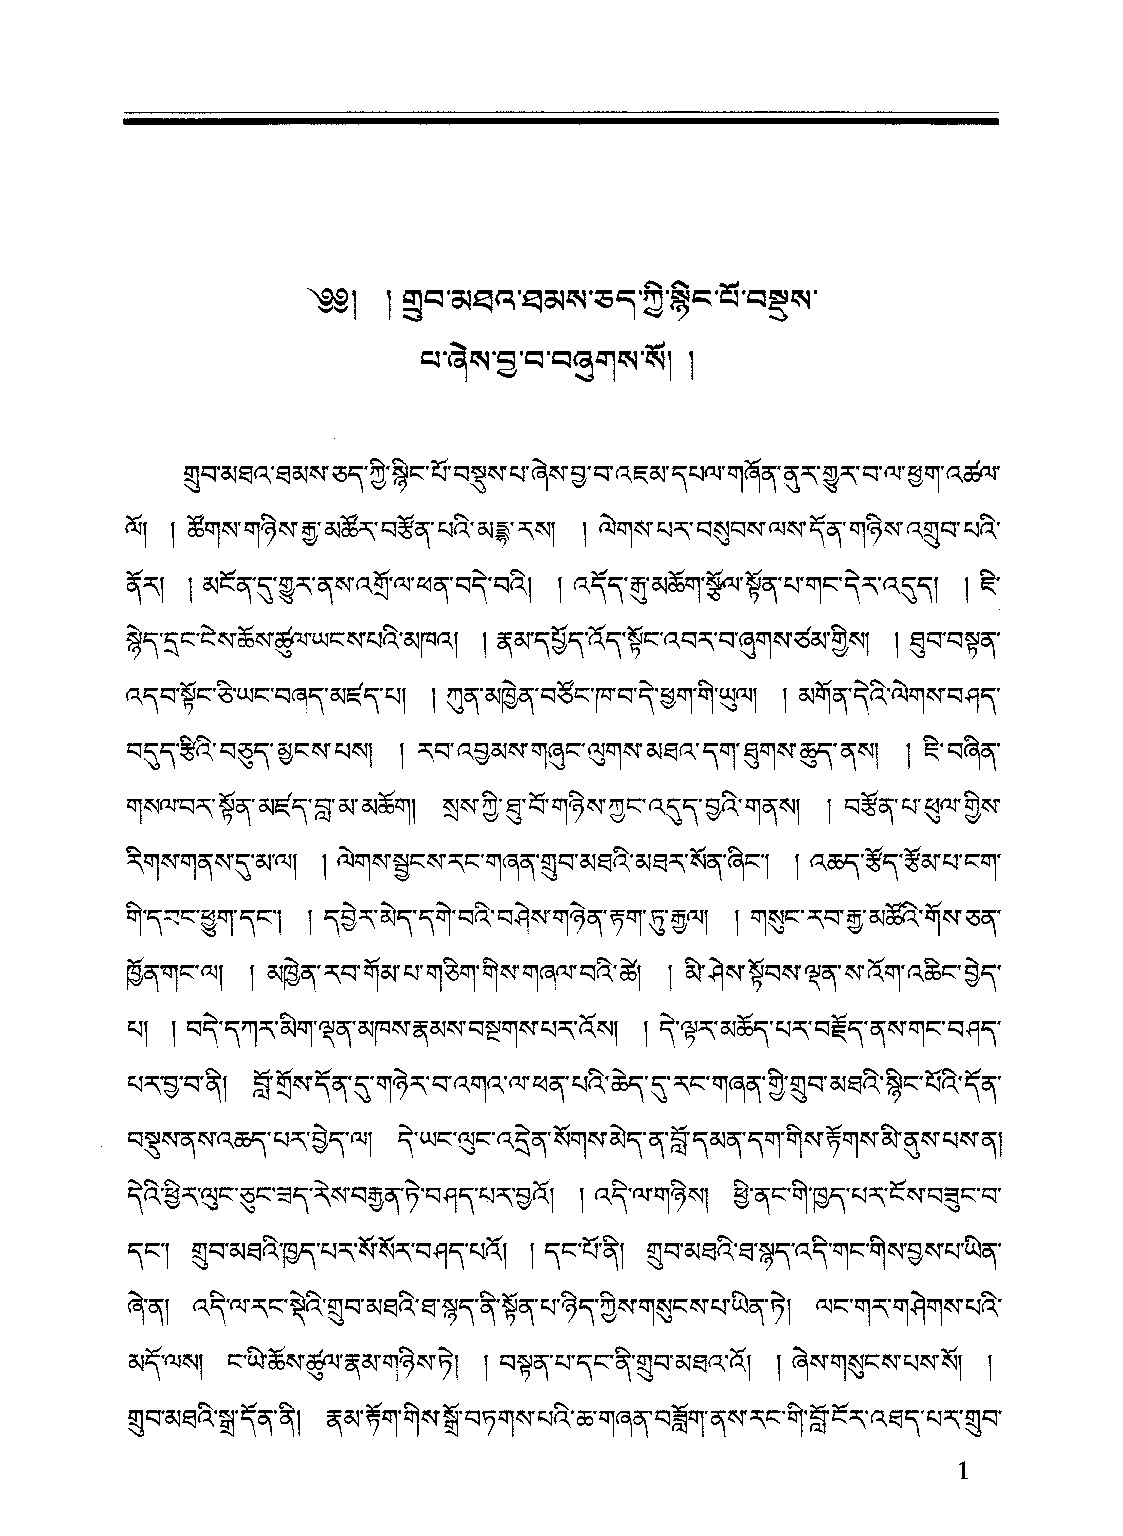༄༅། །གྲུབ་མཐའ་ཐམས་ཅད་ཀྱི་སྙིང་པོ་བསྡུས་
པ་ཞེས་བྱ་བ་བཞུགས་སོ། །
གྲུབ་མཐའ་ཐམས་ཅད་ཀྱི་སྙིང་པོ་བསྡུས་པ་ཞེས་བྱ་བ་འཇམ་དཔལ་གཞོན་ནུར་གྱུར་བ་ལ་ཕྱག་འཚལ་
ལོ། །ཚོགས་གཉིས་རྒྱ་མཚོར་བརྩོན་པའི་མདྡྷ་རས། །ལེགས་པར་བསུབས་ལས་དོན་གཉིས་འགྲུབ་པའི་
ནོར། །མངོན་དུ་གྱུར་ནས་འགྲོ་ལ་ཕན་བདེ་བའི། །འདོད་རྒུ་མཆོག་སྩོལ་སྟོན་པ་གང་དེར་འདུད། །ཇི་
སྙེད་དྲང་ངེས་ཆོས་ཚུལ་ཡངས་པའི་མཁའ། །རྣམ་དཔྱོད་འོད་སྟོང་འབར་བ་ཞུགས་ཙམ་གྱིས། །ཐུབ་བསྟན་
འདབ་སྟོང་ཅི་ཡང་བཞད་མཛད་པ། །ཀུན་མཁྱེན་བཙོང་ཁ་བ་དེ་ཕྱག་གི་ཡུལ། །མགོན་དེའི་ལེགས་བཤད་
བདུད་རྩིའི་བཅུད་མྱངས་པས། །རབ་འབྱམས་གཞུང་ལུགས་མཐའ་དག་ཐུགས་ཆུད་ནས། །ཇི་བཞིན་
གསལ་བར་སྟོན་མཛད་བླ་མ་མཆོག། སྲས་ཀྱི་ཐུ་བོ་གཉིས་ཀྱང་འདུད་བྱའི་གནས། །བརྩོན་པ་ཕུལ་གྱིས་
རིགས་གནས་དུ་མ་ལ། །ལེགས་སྦྱངས་རང་གཞན་གྲུབ་མཐའི་མཐར་སོན་ཞིང་། །འཆད་རྩོད་རྩོམ་པ་ངག་
གི་དབང་ཕྱུག་དང་། །དབྱེར་མེད་དགེ་བའི་བཤེས་གཉེན་རྟག་ཏུ་རྒྱལ། །གསུང་རབ་རྒྱ་མཚོའི་གོས་ཅན་
ཁྱོན་གང་ལ། །མཁྱེན་རབ་གོམ་པ་གཅིག་གིས་གཞལ་བའི་ཚེ། །མི་ཤེས་སྟོབས་ལྡན་ས་འོག་འཆིང་བྱེད་
པ། །བདེ་དཀར་མིག་ལྡན་མཁས་རྣམས་བསྔགས་པར་འོས། །དེ་ལྟར་མཆོད་པར་བརྗོད་ནས་གང་བཤད་
པར་བྱ་བ་ནི། བློ་གྲོས་དོན་དུ་གཉེར་བ་འགའ་ལ་ཕན་པའི་ཆེད་དུ་རང་གཞན་གྱི་གྲུབ་མཐའི་སྙིང་པོའི་དོན་
བསྡུས་ནས་འཆད་པར་བྱེད་ལ། དེ་ཡང་ལུང་འདྲེན་སོགས་མེད་ན་བློ་དམན་དག་གིས་རྟོགས་མི་ནུས་པས་ན།
དེའི་ཕྱིར་ལུང་ཅུང་ཟད་རེས་བརྒྱན་ཏེ་བཤད་པར་བྱའོ། །འདི་ལ་གཉིས། ཕྱི་ནང་གི་ཁྱད་པར་ངོས་བཟུང་བ་
དང་། གྲུབ་མཐའི་ཁྱད་པར་སོ་སོར་བཤད་པའོ། །དང་པོ་ནི། གྲུབ་མཐའི་ཐ་སྙད་འདི་གང་གིས་བྱས་པ་ཡིན་
ཞེ་ན། འདི་ལ་རང་སྡེའི་གྲུབ་མཐའི་ཐ་སྙད་ནི་སྟོན་པ་ཉིད་ཀྱིས་གསུངས་པ་ཡིན་ཏེ། ལང་གར་གཤེགས་པའི་
མདོ་ལས། ང་ཡི་ཆོས་ཚུལ་རྣམ་གཉིས་ཏེ། །བསྟན་པ་དང་ནི་གྲུབ་མཐའ་འོ། །ཞེས་གསུངས་པས་སོ། །
གྲུབ་མཐའི་སྒྲ་དོན་ནི། རྣམ་རྟོག་གིས་སྒྲོ་བཏགས་པའི་ཆ་གཞན་བཟློག་ནས་རང་གི་བློ་ངོར་འཐད་པར་གྲུབ་